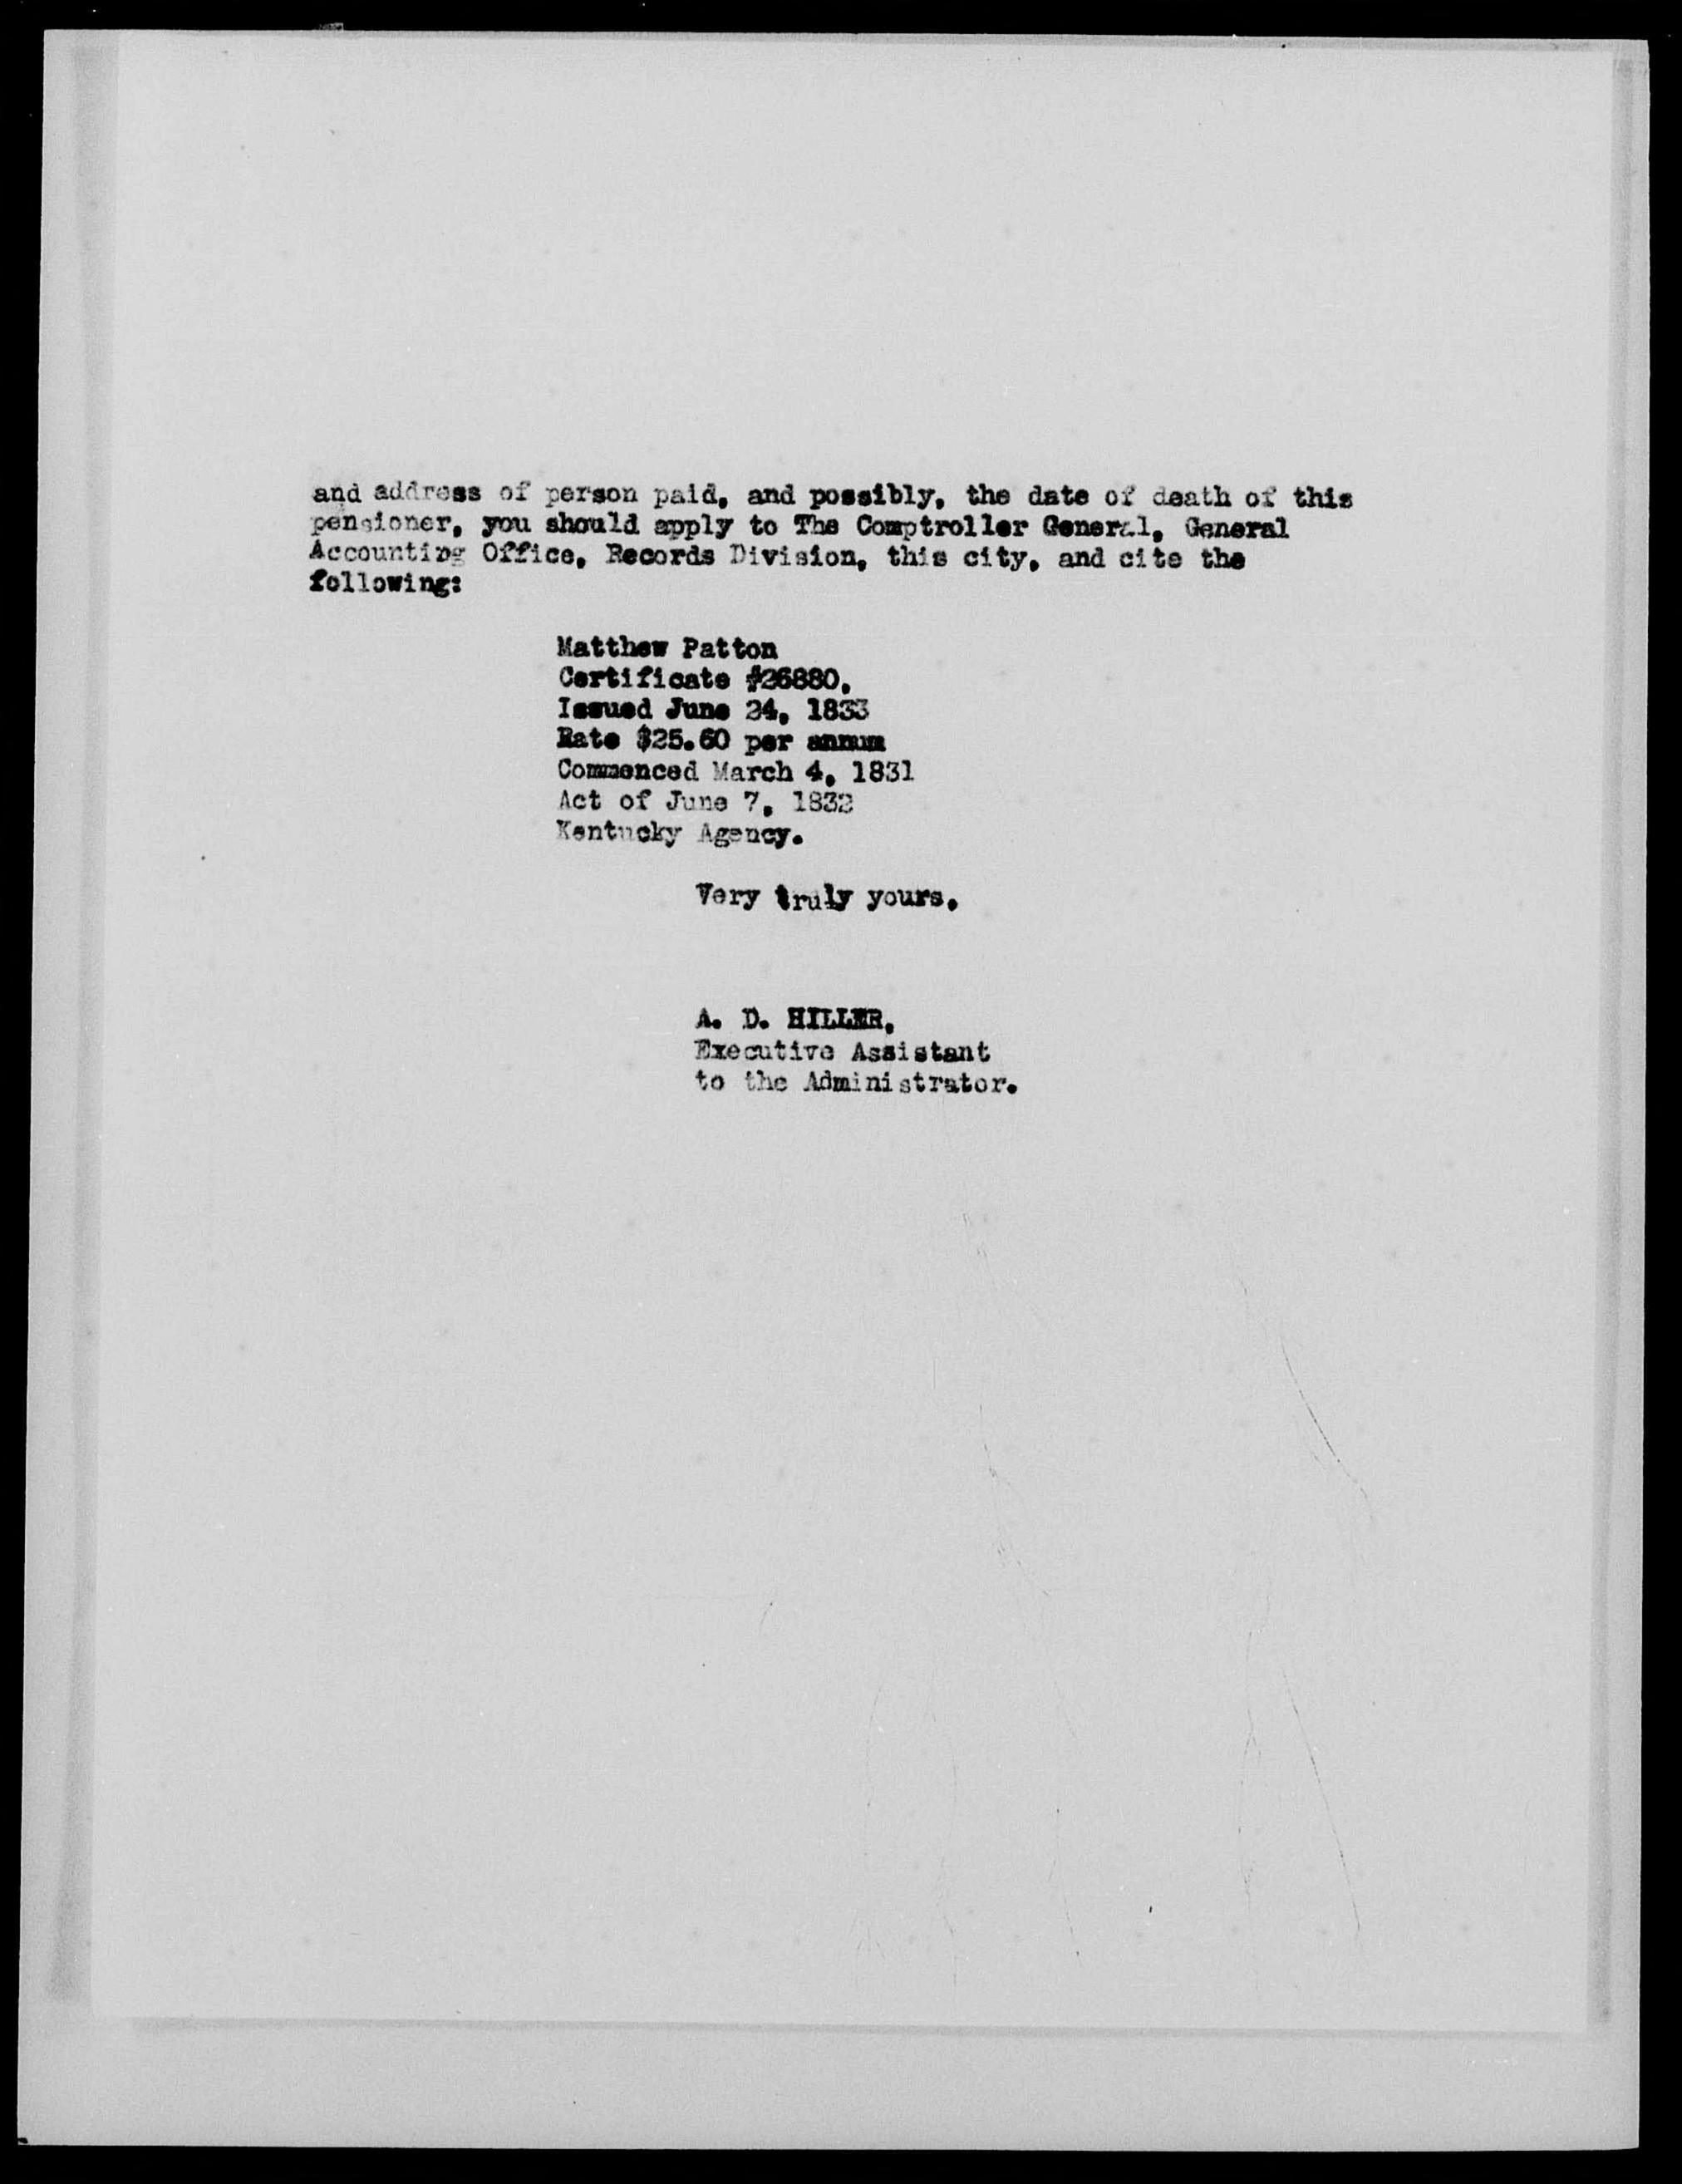and address of person paid, and possibly, the date of death of this pensioner, you should apply to The Comptroller General, General Accounting Office, Records Division, this city, and cite the following

Matthew Patton
Certificate #30680
Issued June 24, 1823
Rate $26.60 per annum
Commenced March 4, 1831
Act of June 7, 1832
Kentucky Agency.

Very truly yours,

A. D. Hills,
Executive Assistant
to the Administrator.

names: Matthew Patton; A D Hiller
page: 41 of 45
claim: survivor's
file: S. 31294, for Matthew Patton, Maryland